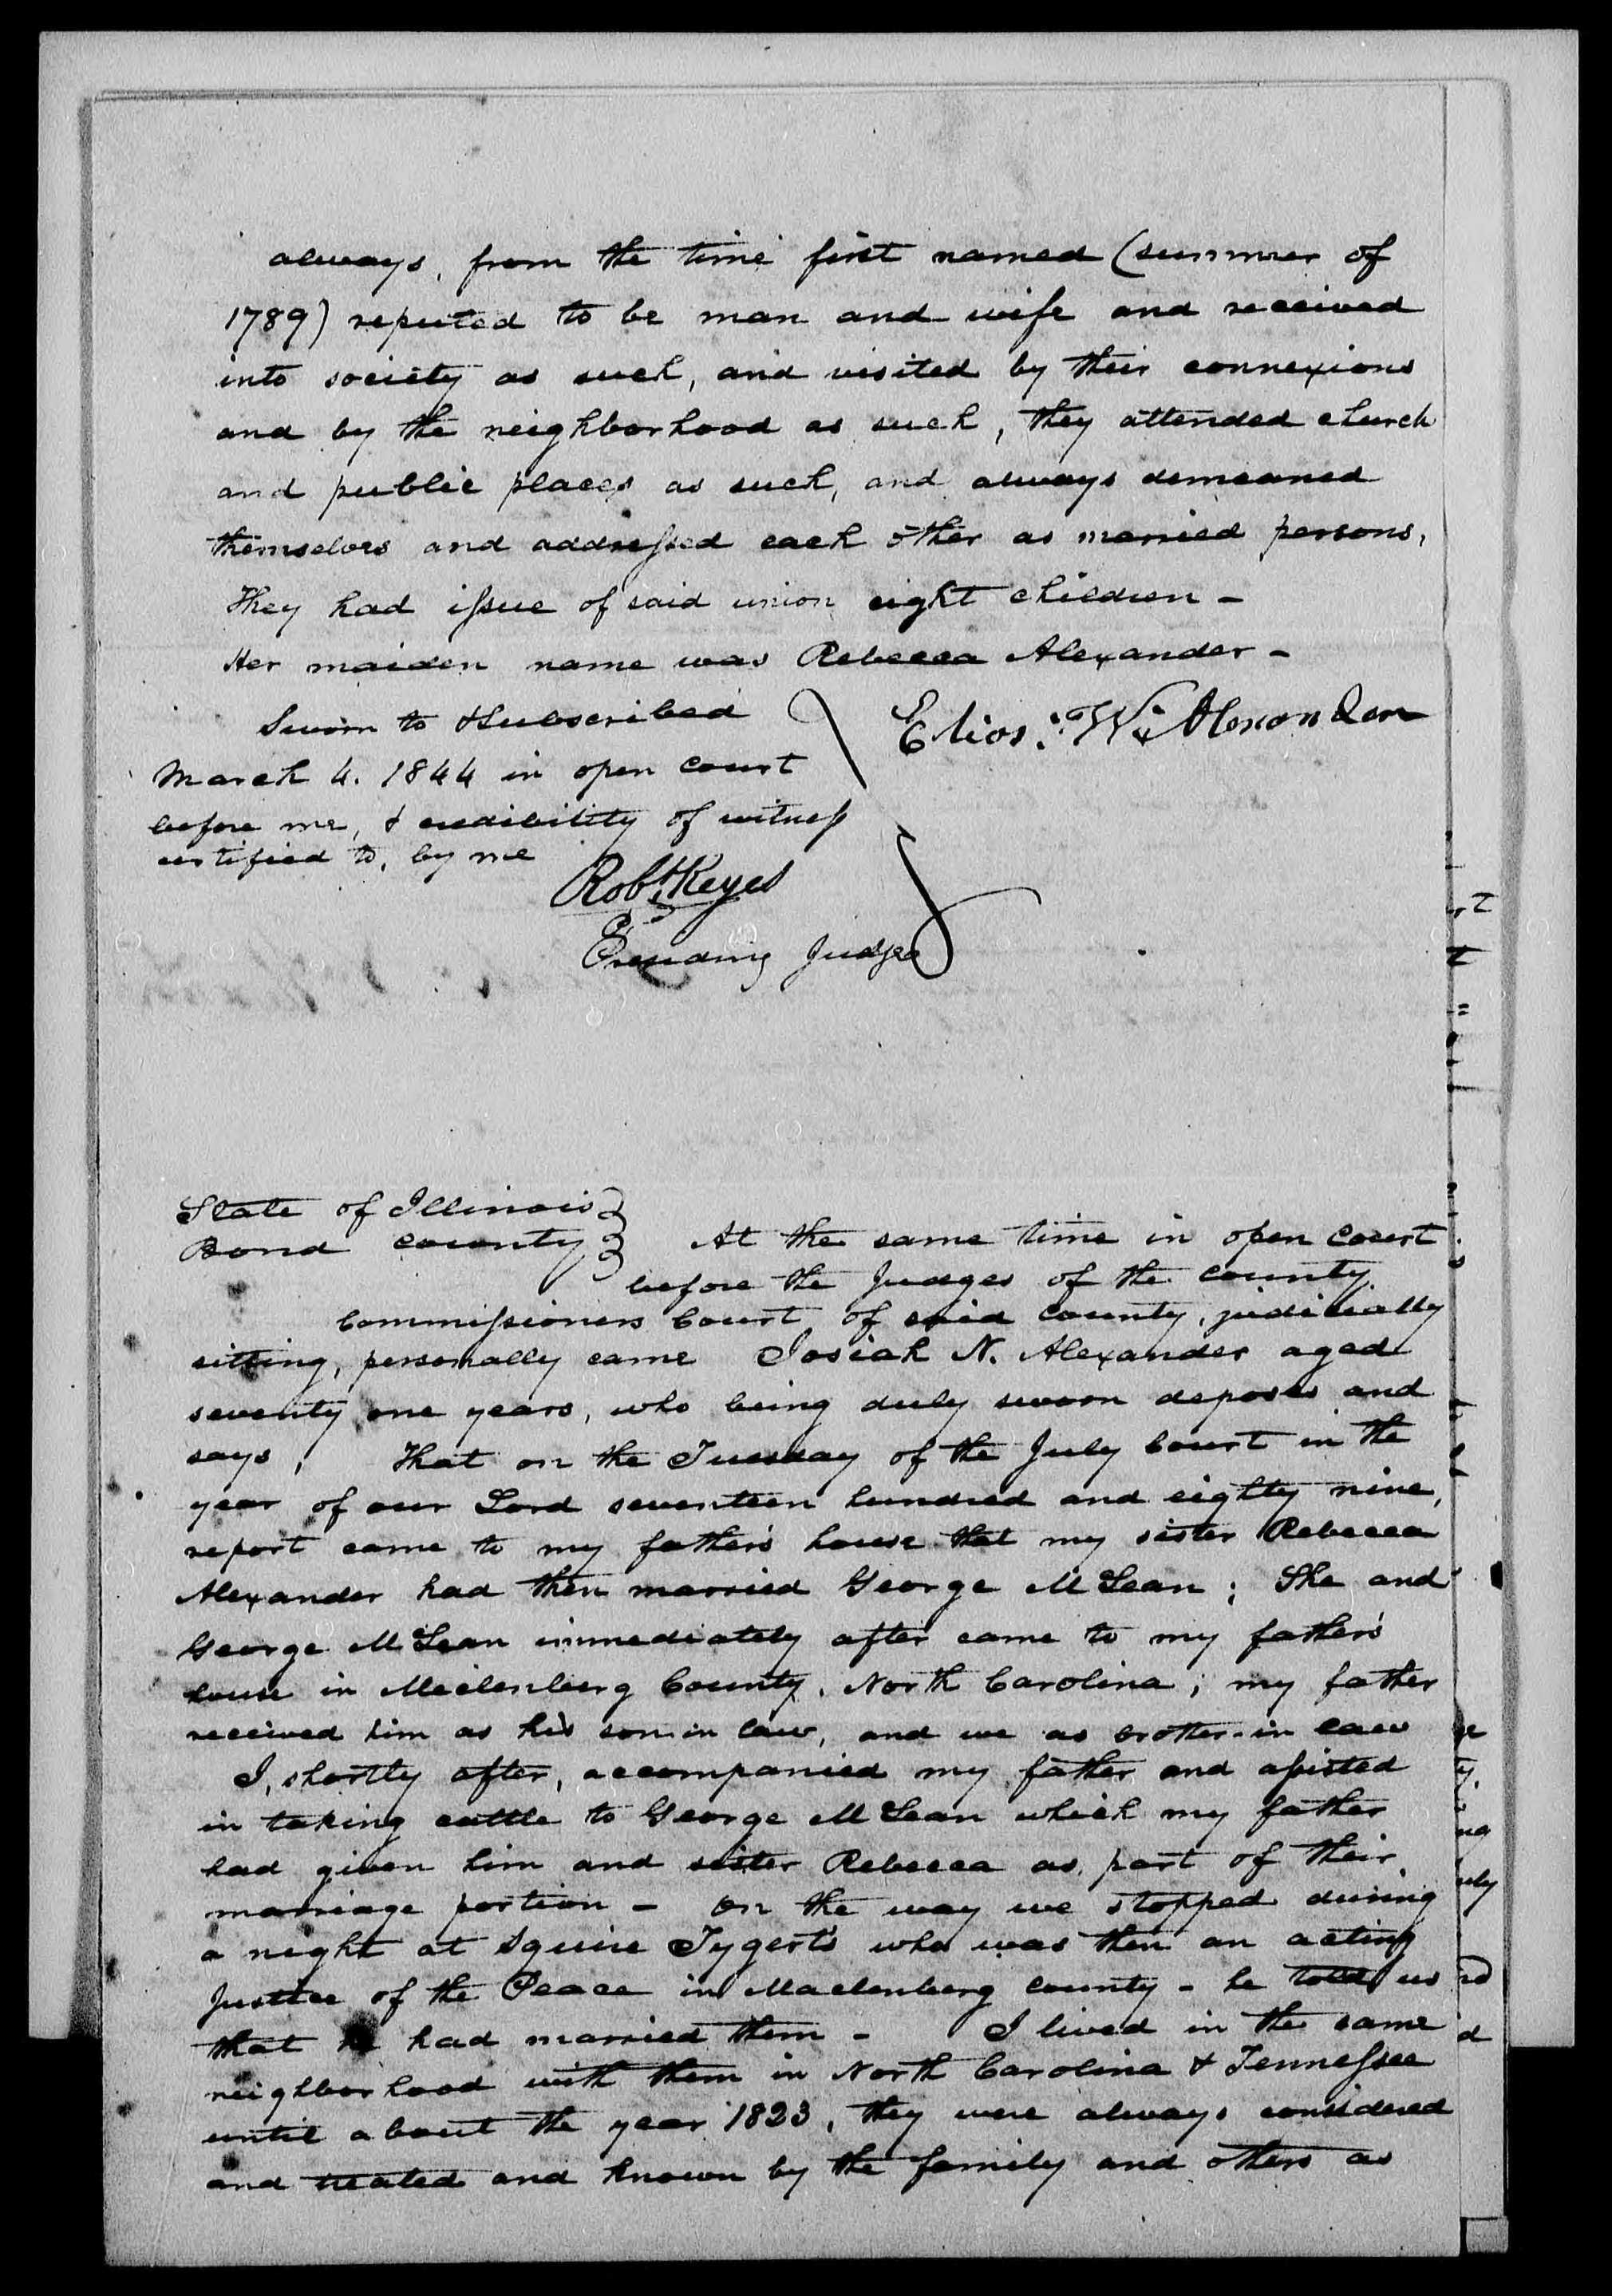always from the time first named (summer of 1789) reputed to be man and wife and received into society as such, and visited by their connexions [connections] and by the neighborhood as such, they attended church and public places as such, and always demand themselves and addressed each other as married persons, They had issue of said union eight children - Her maiden name was Rebecca Alexander –
Sworn to & subscribed} [signed] Elias W. Alexander
March 4. 1844 in open Court} 
before me, & credibility of witness} 
certified to by me} 
Robt Keyes}
Presiding Judge} 

State of Illinois} 
Bond County} At the same time in open Court before the Judges of the County Commissioners Court of said County, judicially sitting personally came Josiah N. Alexander aged seventy one years, who being duly sworn deposes and says: That on the Tuesday of the July Court in the year of our Lord seventeen hundred and eighty nine, report came to my father's house that my sister Rebecca Alexander had then married George McLean: She and George McLean immediately after came to my father's house in Mecklenburg County, North Carolina, my father received him as his son in law, and we as brother in law. 
I, shortly after, accompanied my father and assisted in taking cattle to George McLean which my father had given him and sister Rebecca as part of their marriage portion - On the way we stopped during a night at Squire Tygert's who was then an acting Justice of the Peace in Mecklenburg County – he told us that he had married them. I lived in the same neighborhood with them in North Carolina & Tennessee until about the year 1823, they were always considered and treated and known by the family and others as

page: 6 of 67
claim: widow's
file: W. 21793, for George Mc Lain, North Carolina